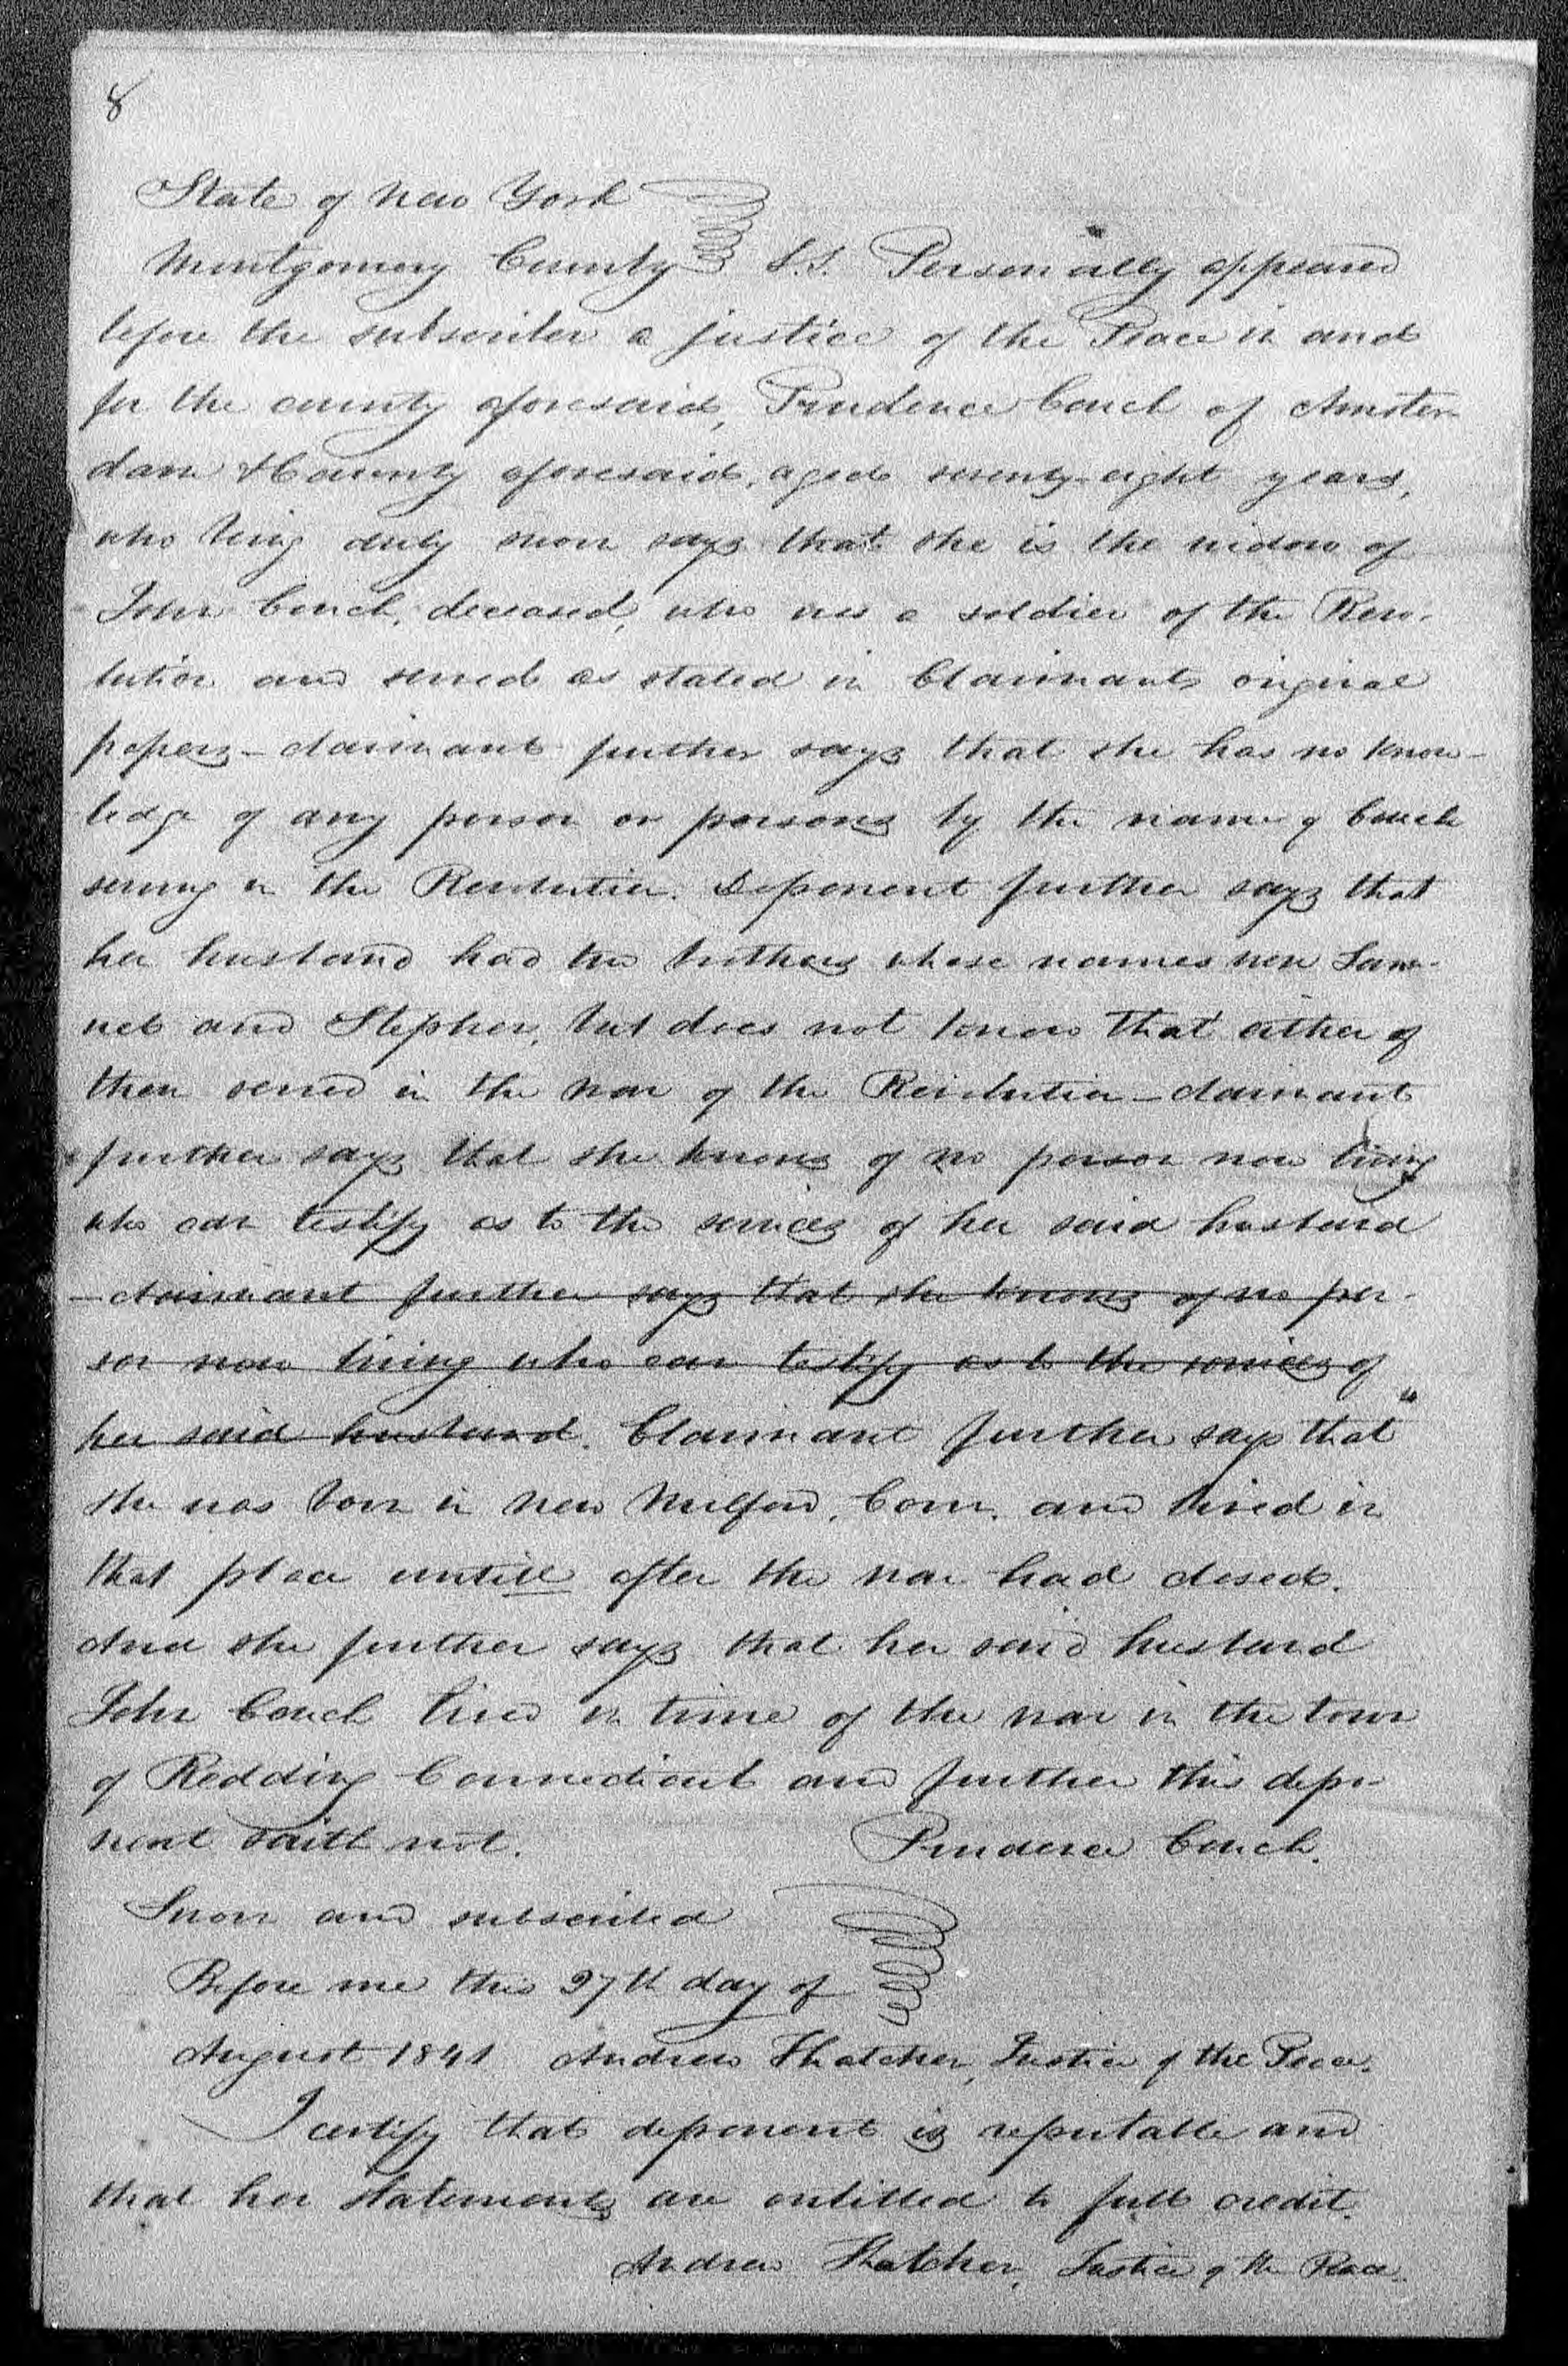State of New York
Montgomery County} ss.
Personally appeared before the subscriber a Justice of the Peace in and before the county aforesaid, Prudence Couch of Amsterdam & County aforesaid, aged seventy eight years, who being first duly sworn says that she is the widow of John Couch, deceased, who was a soldier of the Revolution and served as stated in claimants original papers, claimant further says that she has no knowledge of any person or persons by the name of Couch serving in the Revolution. Deponent further says that her husband had two brothers whose names were [unk] and Stephen, but does not know that either of them served in the war of the Revolution, claimant further says that she knows of no person now living who can testify as to the services of her said husband. Claimant further says that she was born in New Milford, Conn. and lived in that place until after the war had closed. And she further says that her said husband John Couch lived in the time of the war in the town of Redding Connecticut and further this deponent saith not.
Prudence Couch

Sworn and subscribed before me this 27th day of August 1841.
Andrew Thatcher, Justice of the Peace

I certify that deponent is reputable and that her statements are entitled to full credit.
Andrew Thatcher, Justice of the Peace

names: Couch, John Couch, Prudence Couch, Andrew Thatcher, Stephen, Prudence Couch, John Couch, Andrew Thatcher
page: 9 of 68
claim: rejected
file: R. 2,360, John Couch, Conn.